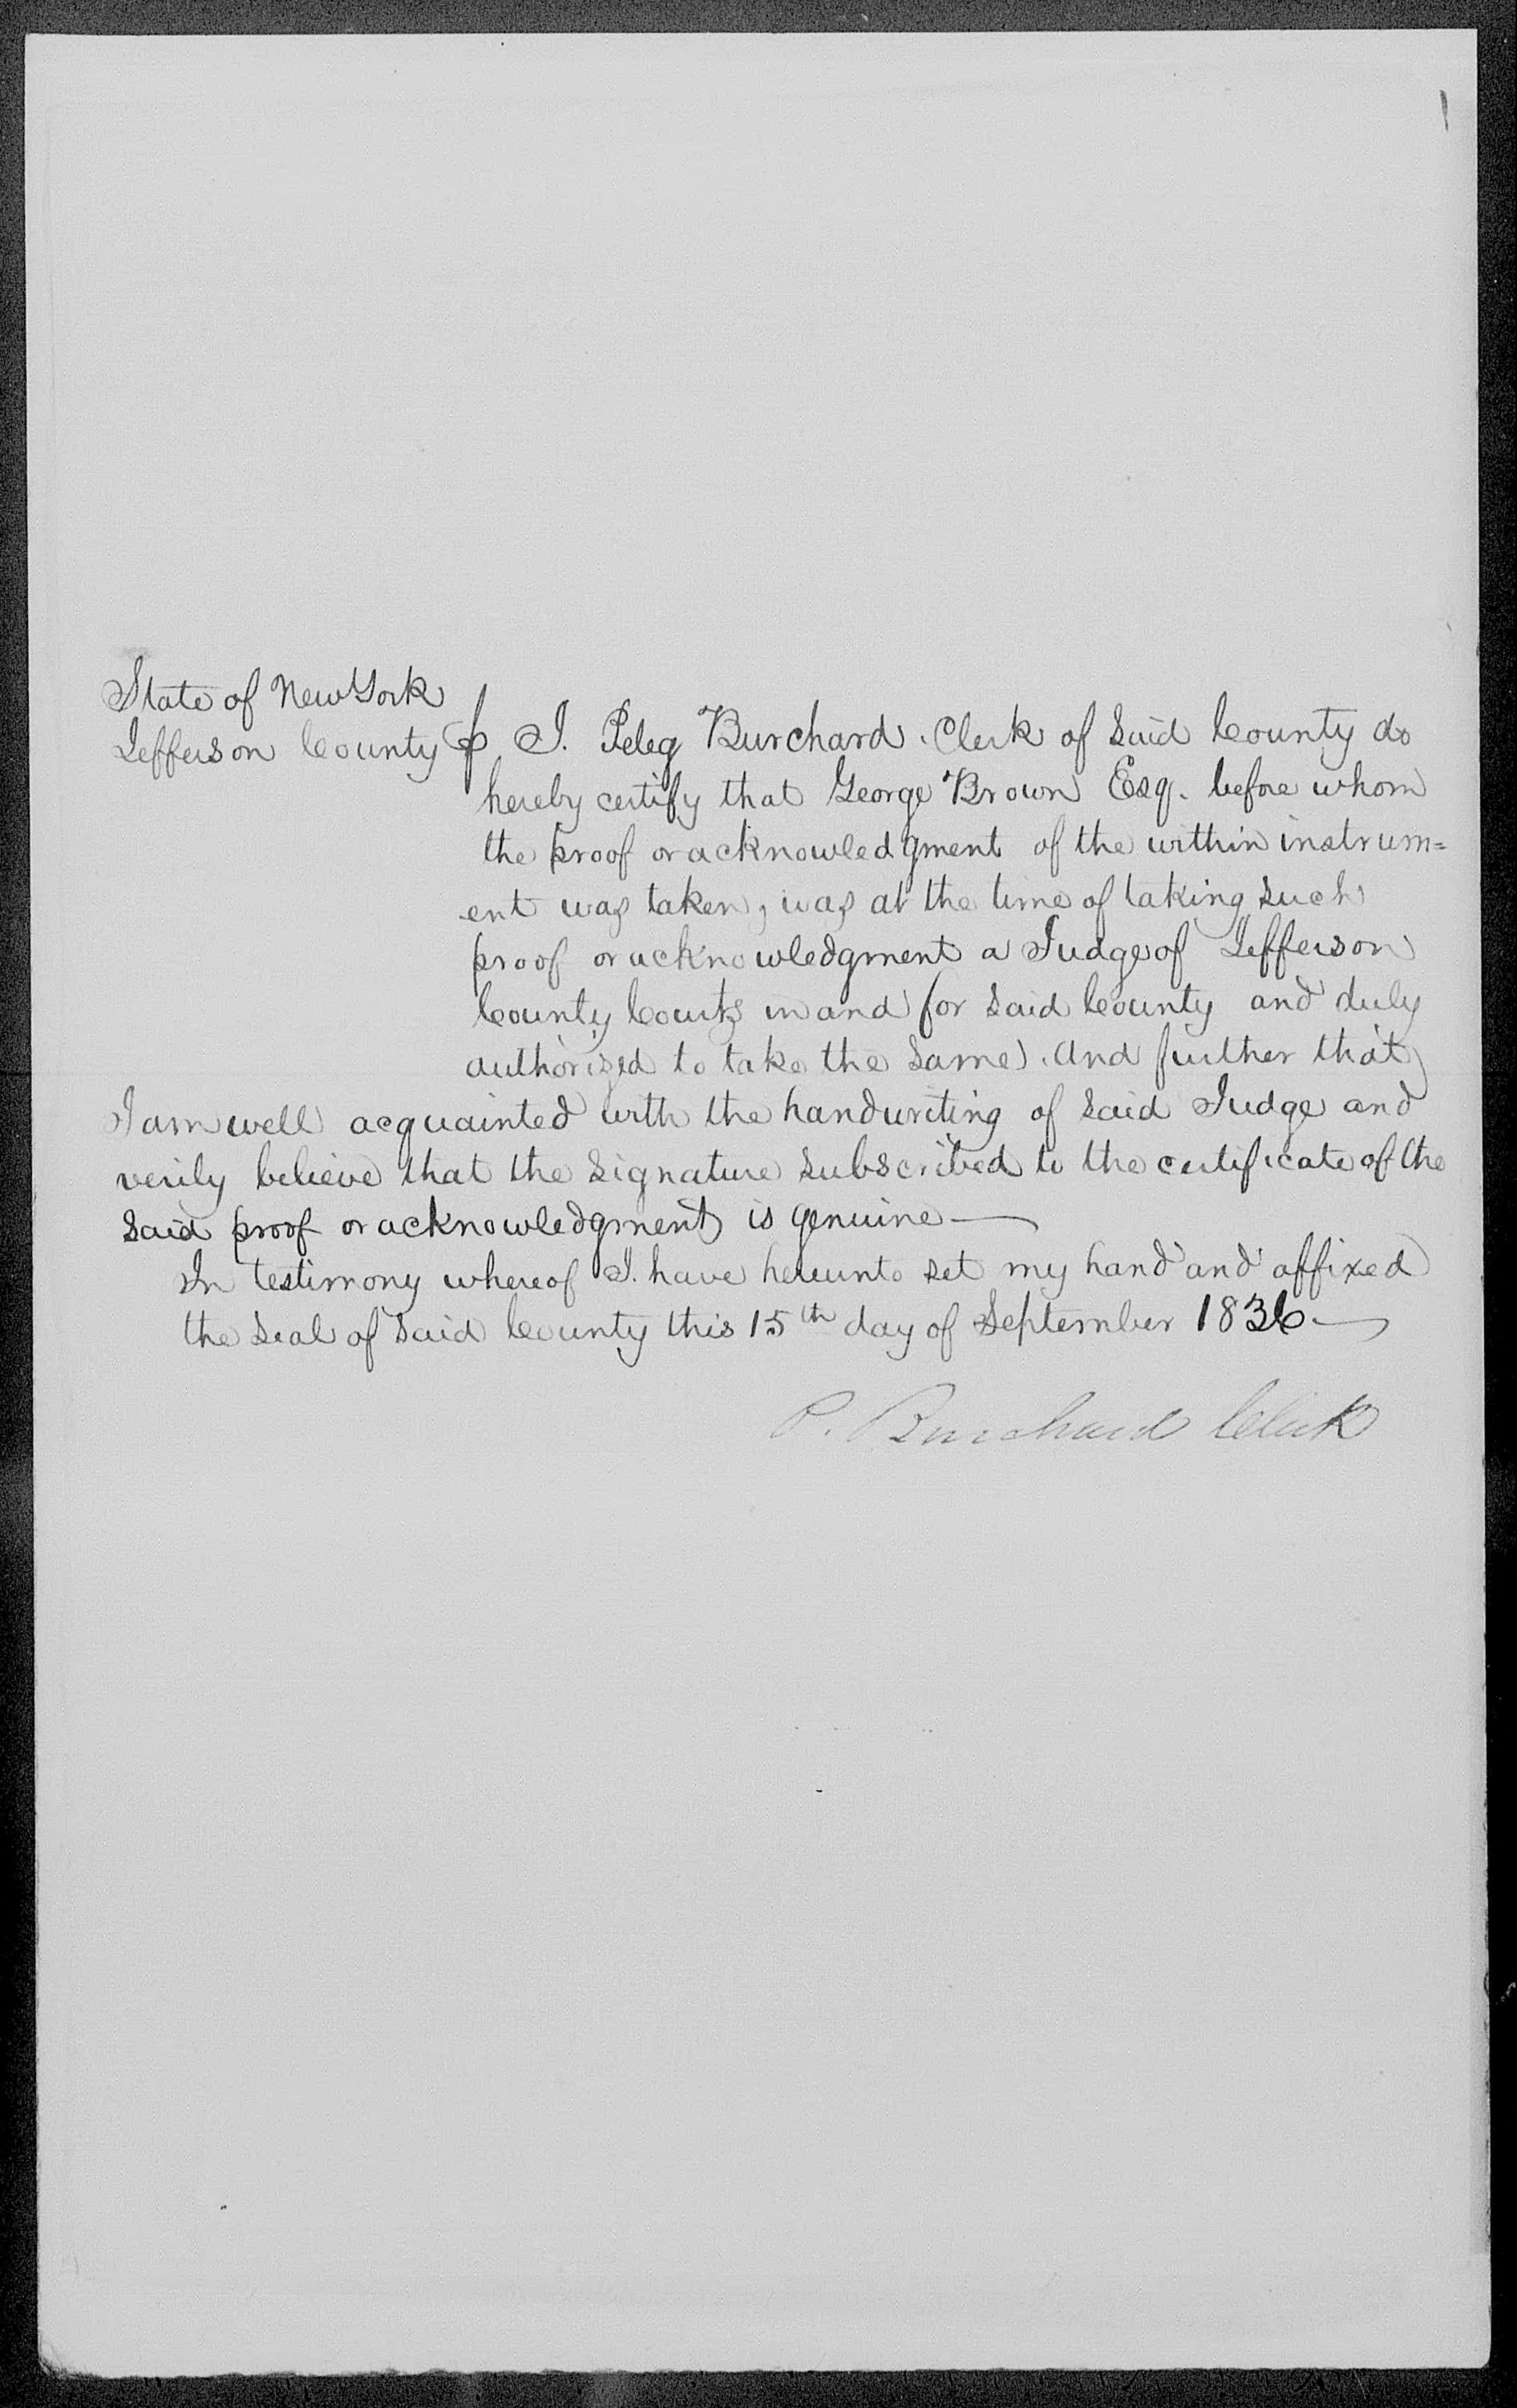State of New York
Jefferson County ss
I Peleg Burchard Clerk of said County do hereby certify that George Brown Esq. before whom the proof or acknowledgment of the within instrument was taken, was at the time of taking such proof or acknowledgment a Judge of Jefferson County Courts in and for said County and duly authorized to take the same. And further that I am well acquainted with the handwriting of said Judge and verily believe that the signature subscribed to the certificate of the said proof or acknowledgment is genuine. 
In testimony whereof I have hereunto set my hand and affixed the seal of said court this 15th day of September 1836.
P. Burchard Clerk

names: Peleg Burchard, George Brown, P Burchard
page: 10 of 83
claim: widow's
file: W. 10,384, Oliver Barrett, Continental (Vt.) N.Y.